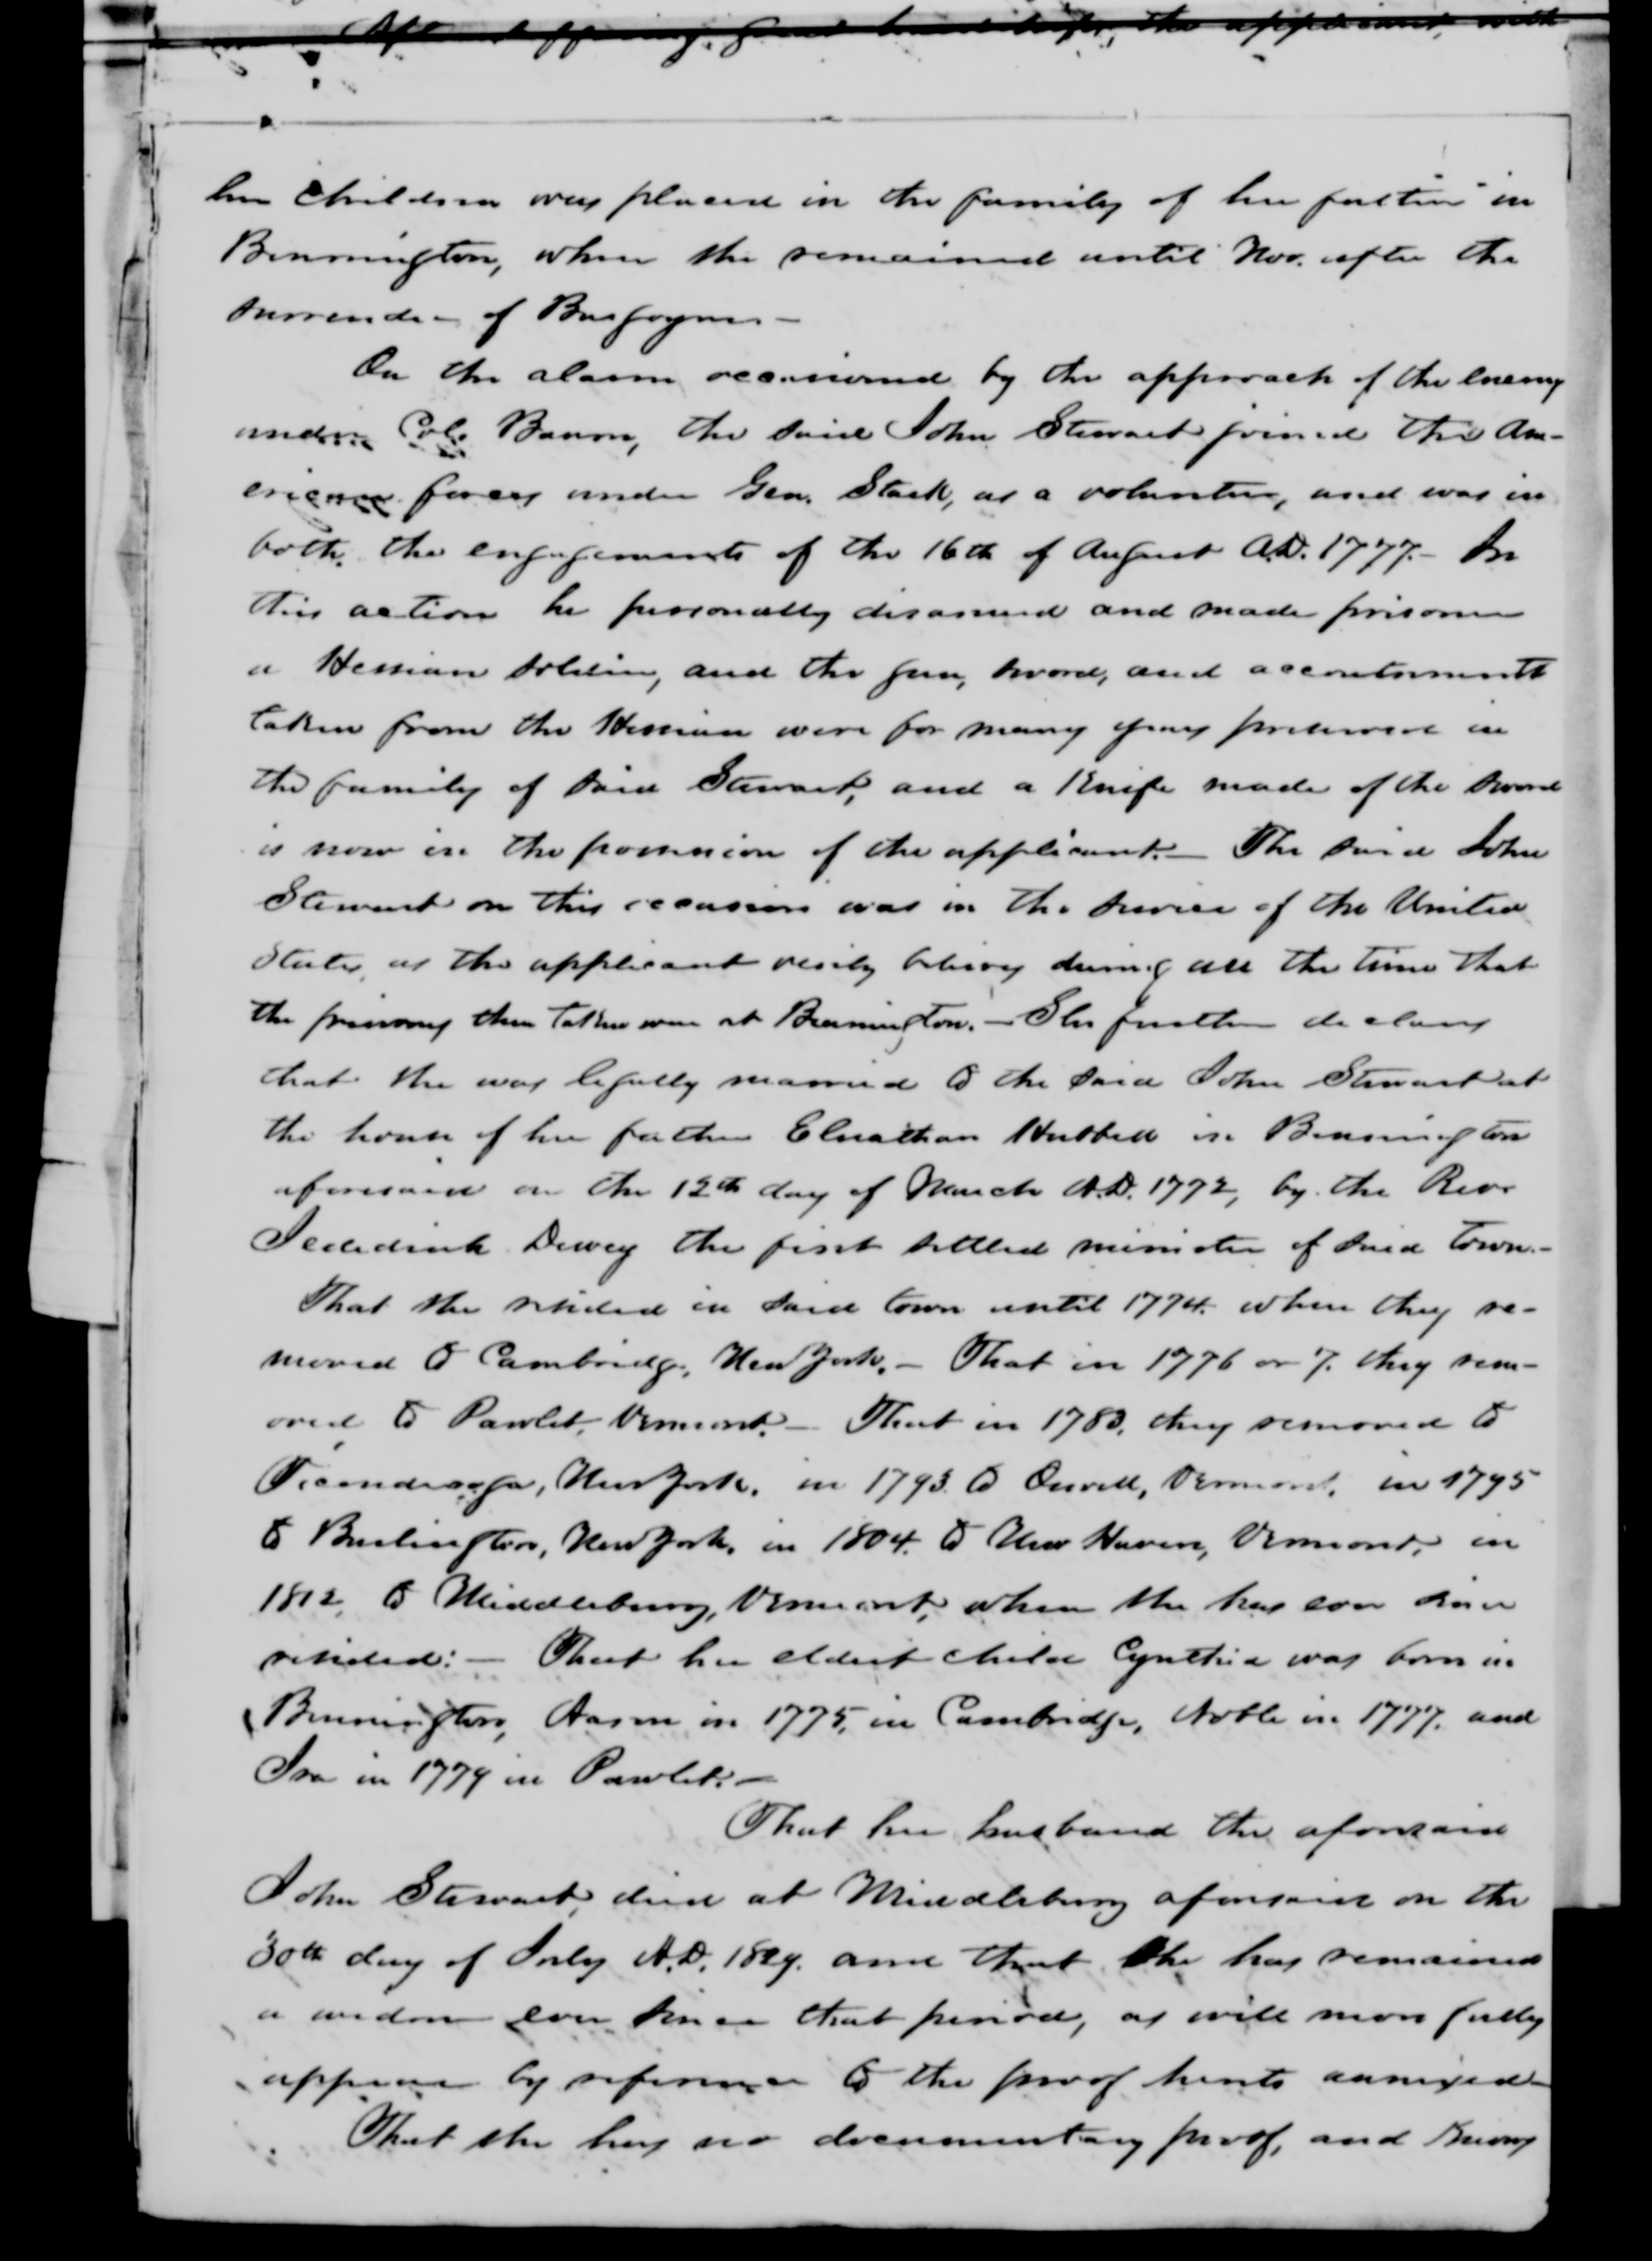her children was placed in the family of her fathers in
Bennington, when the remained until nov after the
surrender of Burgoyne
On the alarm occasioned by the approach of the enemy
under Col. Banne, the said John Stewart joined the American forces under Gen. Stark, as a volunteer, and was in
both the engagements of the 16th of August A.D. 1777. In
this action he personally disarmed and made prisoner
Hessian soldier, and the gun, sword, and accoutrements
taken from the Hessians were for many years preserved in
the family of said Stewart, and a knife made of the same
is now in the possession of the applicant. The said John
Stewart on this occasion was in the service of the United States
as the applicant verily believes during all the time that the
prisoners were taken was at Bennington. She further declares
that she was legally married to the said John Stewart at
the house of her father Elnathan Hubbell in Bennington
aforesaid on the 12th day of March A.D. 1772 by the Rev
Jedediah Dewey the first settled minister of said town
That the resided in said town until 1774. when they removed to Cambridge, New York. That in 1776 or 7 they removed to Pawlet, Vermont - That in 1783, they removed to
Ticonderoga, New York in 1795 to Orwell, Vermont in 1775
to Burlington, New York in 1804 to New Haven, Vermont, in
1842, to Middlebury, Vermont, when she has since
resided:- That her eldest child Cynthia was born in
Bennington, Anne in 1775 in Cambridge, Noble in 1777 and
Ian in 1777 in Pawlett-
That her husband the aforesaid
John Stewart died at Middlebury aforesaid on the
30th day of July A.D. 1827 and that she has remained
a widow ever since that period, as will more fully
appear by reference to the proof hereto annexed
That she has no documentary proof, and now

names: [BLANK] Stewart; Cynthia [BLANK]; [BLANK] Burgoyne; Ira [BLANK]; John Stewart; Jedidiah Dewey; John Stewart; Noble [BLANK]; John Stewart; [BLANK] Stark; John Stewart; Aaron [BLANK]; Elnathan Hubbell; [BLANK] Banon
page: 6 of 26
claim: rejected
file: R. 10,154, for John Stewart, New Hampshire